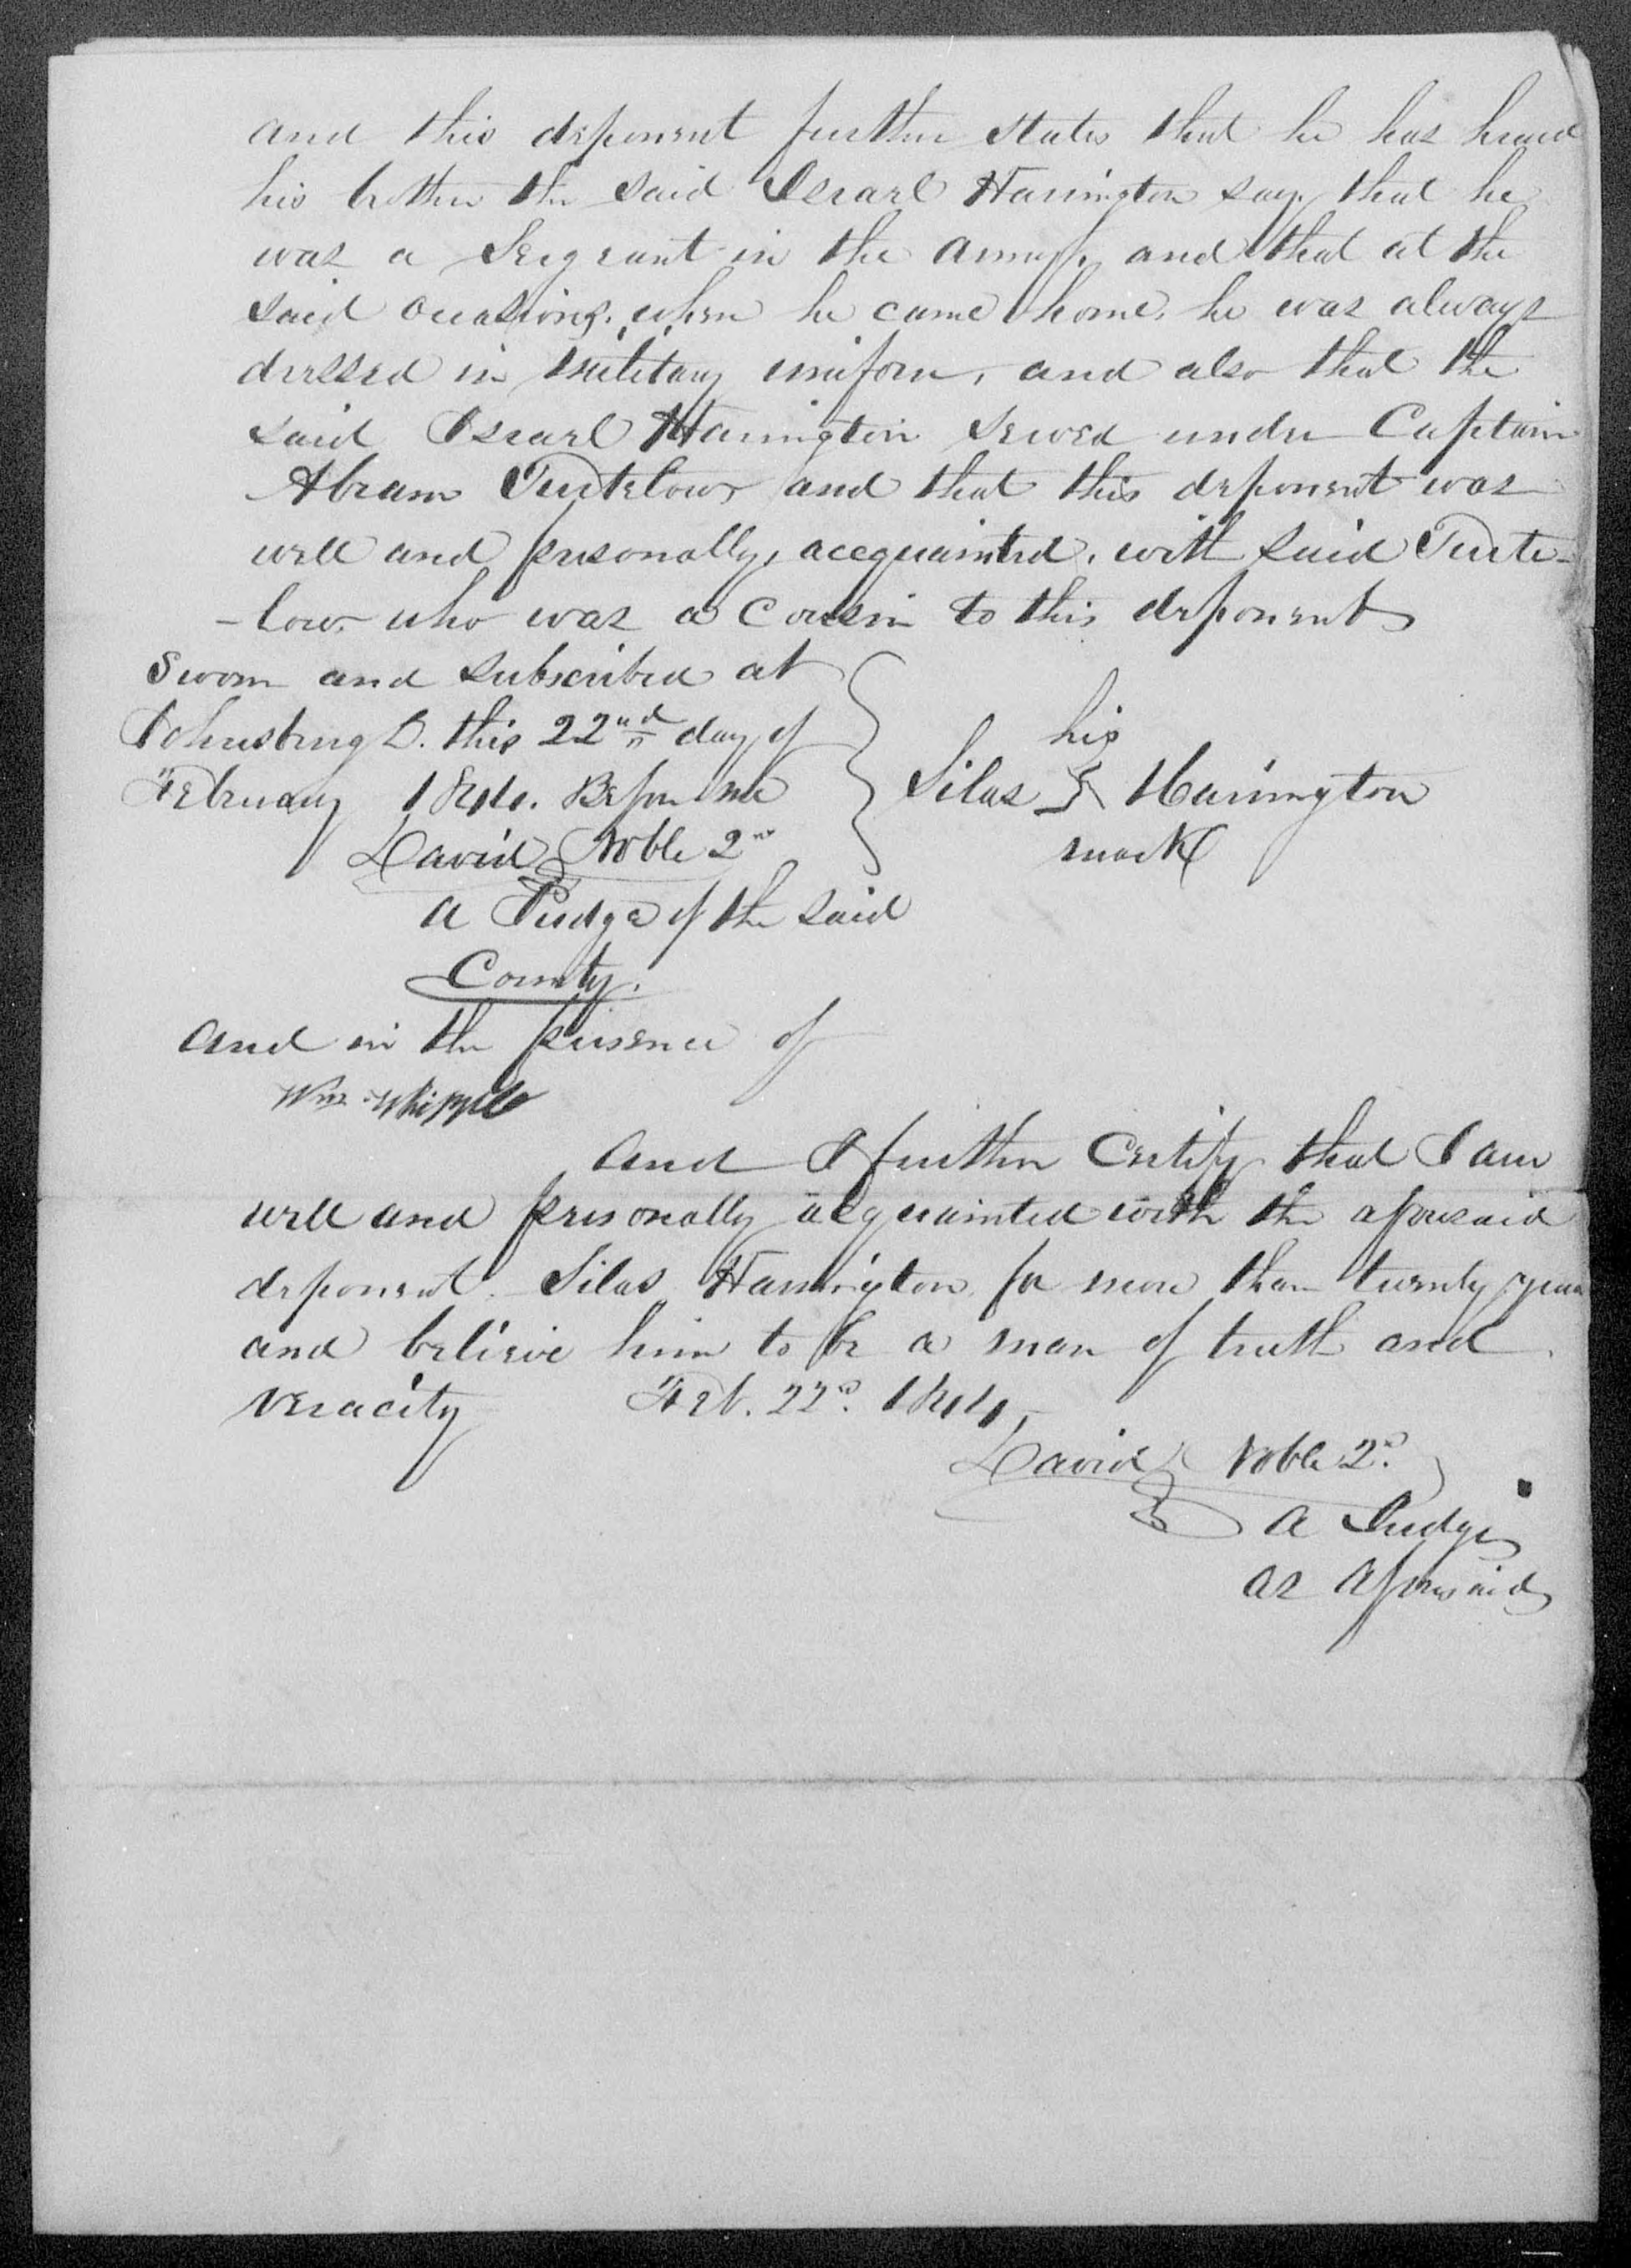and this deponent further states that he has heard his brother the said Israel say that he was a Sergeant in the army, and that at the said occasions, when he came home, he was always dressed in military uniform, and also that the said Israel Harrington Served under Captain Abram [Abraham] Turtelow and that this deponent was well and personally acquainted, with said Turtelow, who was a cousin to this deponent.

Sworn and subscribed at Johnsburgh [Johnsburg] this 22nd day of February 1844. Before me
David Noble 2nd
a Judge of the Said County

and in the presence of Wm Whipple

Silas Harrington
x his mark


And I further certify that I am well and personally acquainted with the aforesaid deponent Silas Harrington for more than twenty years and believe him to be a man of truth and veracity
Feb. 22nd 1844
David Noble 2nd
a Judge as aforesaid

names: Abram Turtelow, Wm Whipple, Israel Harrington, Turtelow, Israel Harrington, David Noble, Silas Harrington, David Noble, Silas Harrington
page: 10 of 51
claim: widow's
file: W. 19,026, Israel Harrington, R.I.